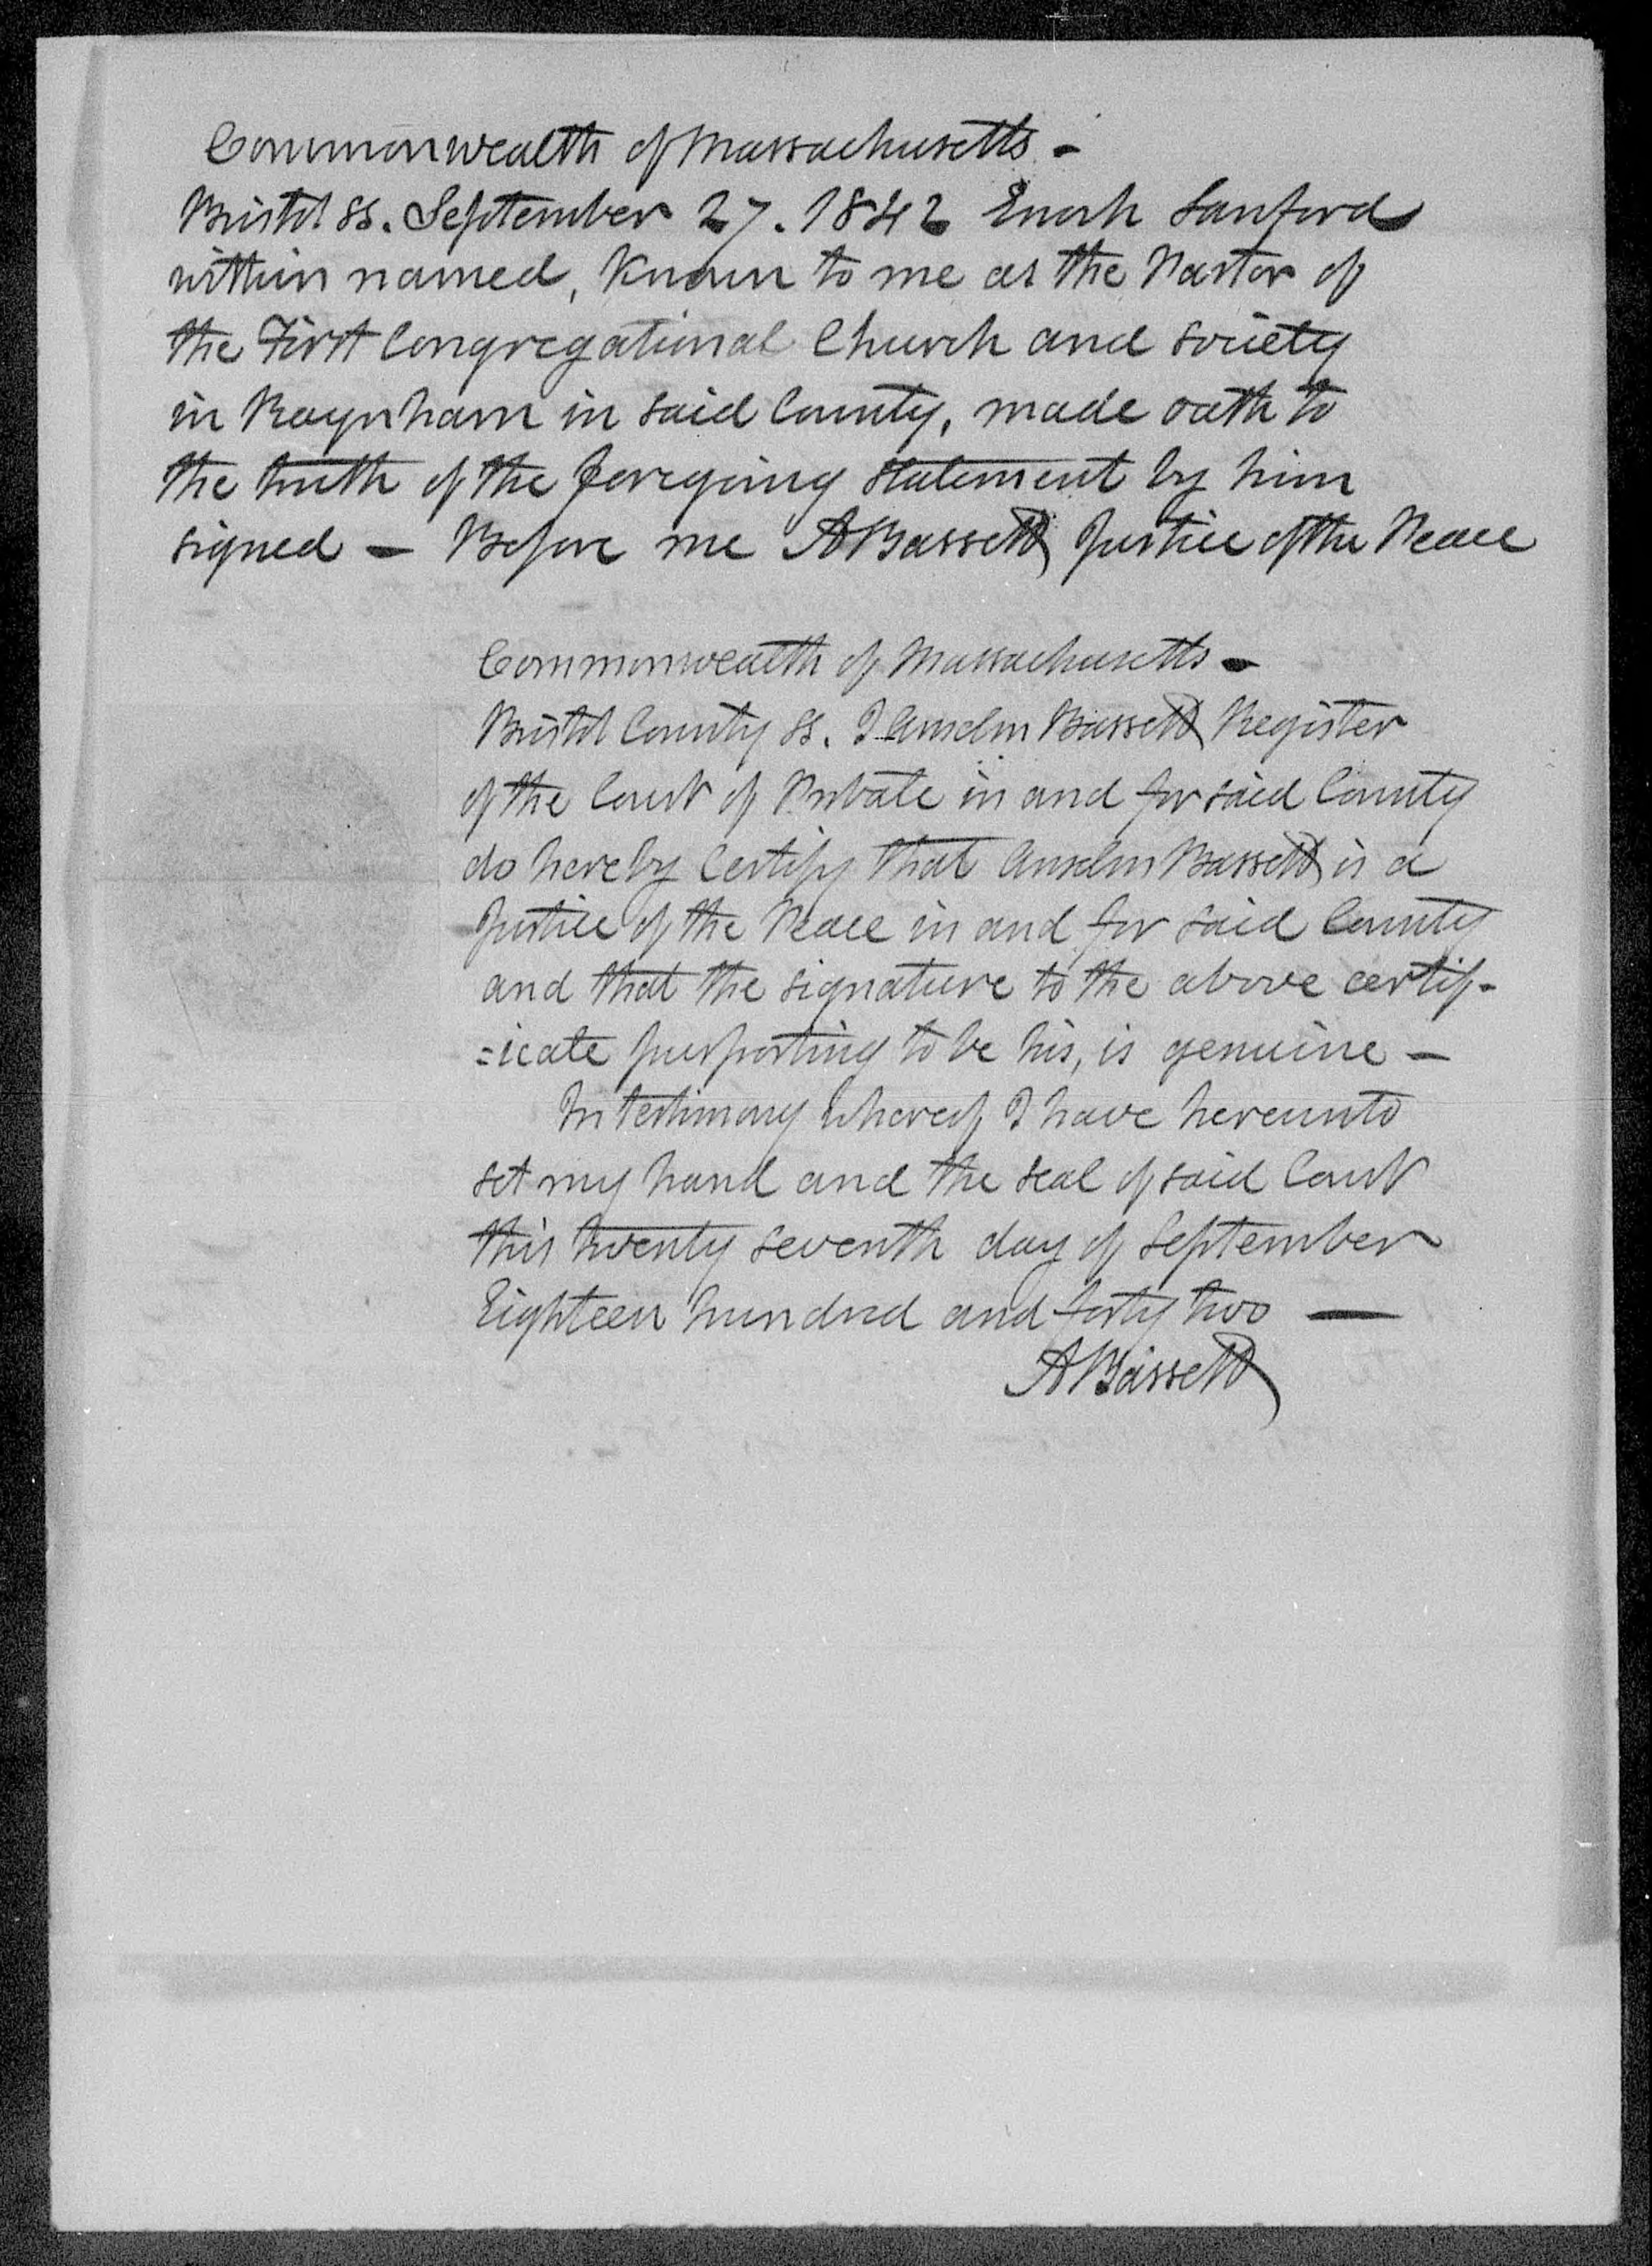Commonwealth of Massachusetts-
Bristol ss. September 27. 1842 Enoch Sanford
within named, known to me as the Pastor of
the First Congregational Church and society
in Raynham in said County, made oath to
the truth of the foregoing statement by him
signed - Before me A Bassett Justice of the Peace
Commonwealth of Massachusetts
Bristol County ss. I Anselm Bassett Register
of the Court of Probate in and for said County
do hereby Certify that Anselm Bassett is a
Justice of the Peace in and for said County
and that the signature to the above 
certificate purporting to be his, is genuine-
In testimony Whereof I have hereunto
set my hand and the seal of said Court
this twenty seventh day of September
Eighteen hundred and forty two -
A Bassett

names: Enoch Sanford, Anselm Bassett, A Bassett, Anselm Bassett, A Bassett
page: 10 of 52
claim: widow's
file: W 19755, Jonathan Hoard, Mass.